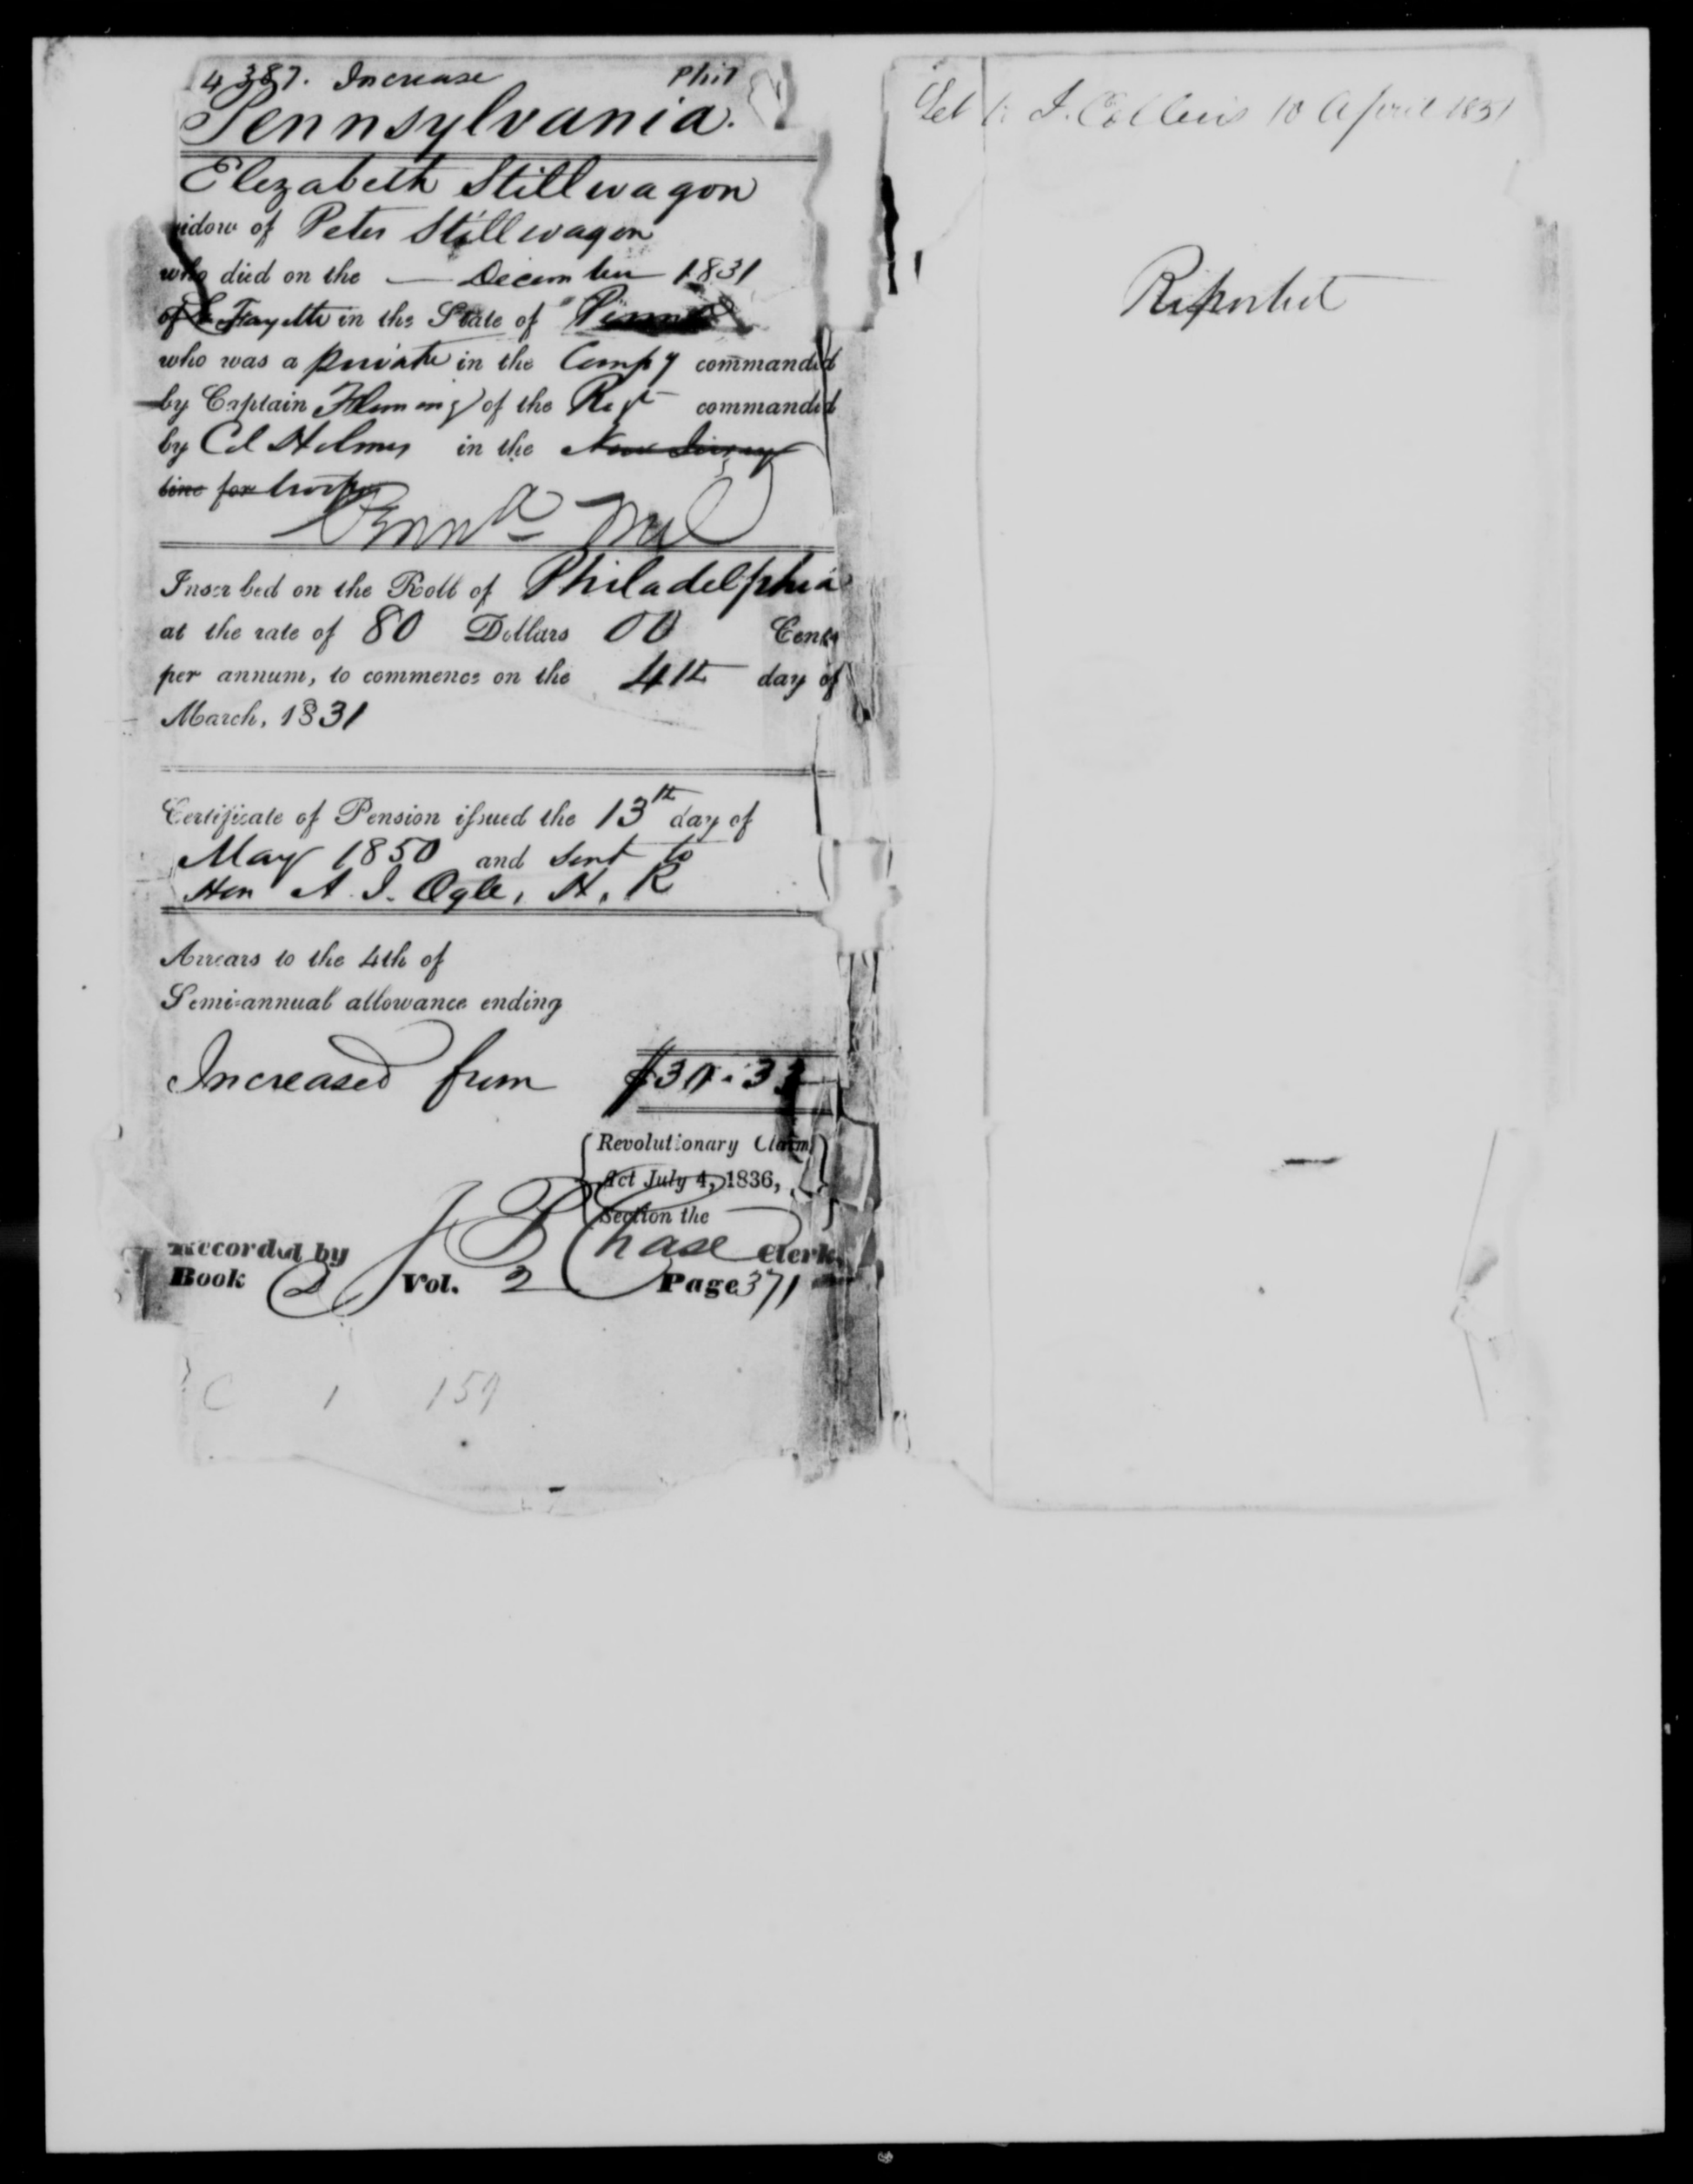[Left side of document]
4387 Increase
Pennsylvania
Elizabeth Stillwagon widow of Peter Stillwagon who died on the ___ December 1831 of Fayette in the State of Pennna who was a private in the Compy [sic]  commanded by Captain Fleming of the Regt commanded by Col Holmes in the New Jersey line for troops Penna [illegible]

Inscribed on the Roll of Philadelphia at the rate of 80 Dollars 00 Cents per annum, to commence on the 4th day of March 1831

Certificate of Pension issued the 13th day of May 1850 and sent to Hon A. . Ogle, H.R.

Arrears to the 4th of Semi-annual allowance ending Increased from $30.33
Revolutionary Claim Act July 4, 1836, Section the 
Recorded by J. P. Chase Clerk, Book [illegible] Vol. 2 Page 371

[Right side of document]
Letter I. Collins 10 April 1851
Reported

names: Peter Stillwagon; Elizabeth Stillwagon; [BLANK] Fleming; [BLANK] Holmes; J Collins; A J Ogle; J P Chase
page: 2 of 73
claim: widow's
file: W. 3197, for Peter Stillwagon, New Jersey